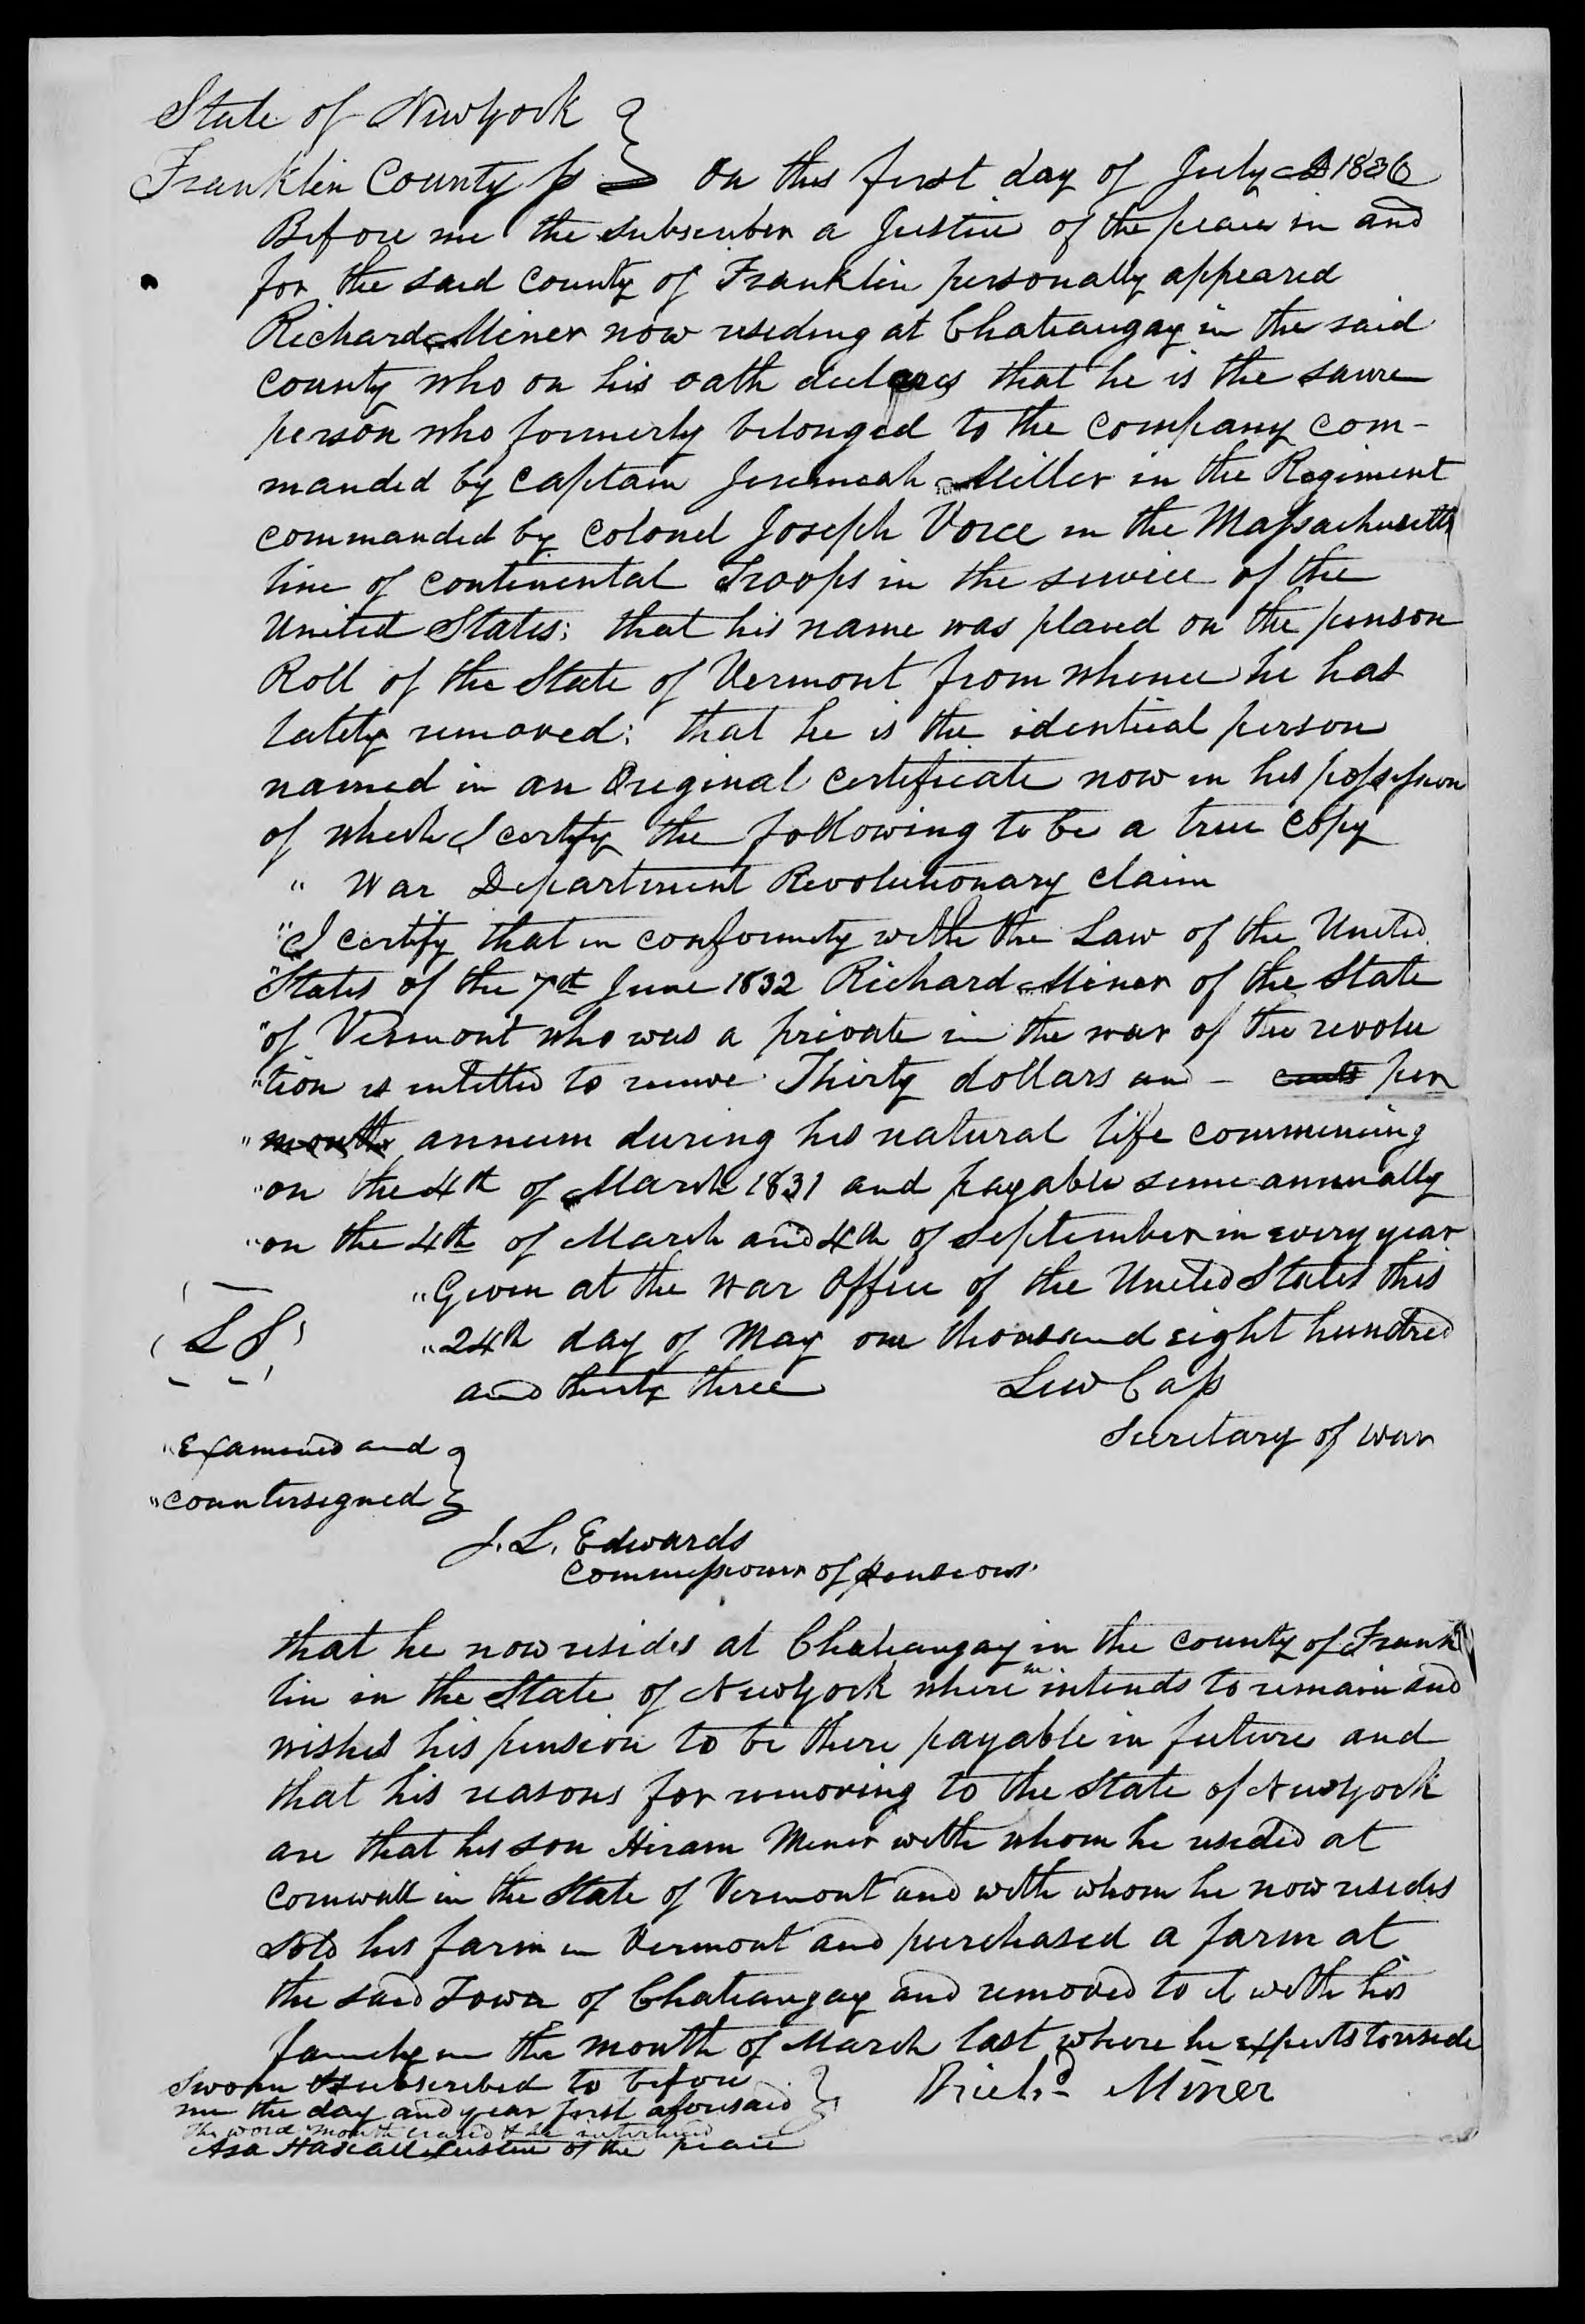State of New York
Franklin County ⎬ On this first day of July 1836
Before me the subscriber a Justice of the peace in and
for the said County of Franklin personally appeared
Richard Miner now residing at Chateaugay in the said
County who on his oath declares that he is the same
person who formerly belonged to the company commanded
by Captain Jeremiah Miller in the Regiment
commanded by Colonel Joseph Vorce in the Massachusetts
line of continental Troops in the service of the
United States; that his name was placed on the pension
Roll of the State of Vermont from whence he has
lately removed; that he is the identical person
named in an original certificate now in his possession
of which I certify the following to be a true copy
of War Department Revolutionary claim
I certify that in conformity with the Law of the United States
of the 7th June 1832 Richard Minor
of the State of
Vermont who was a private in the war of the revolution is entitled to receive Thirty dollars per
annum during his natural life commencing
on the 4th of March 1831 and payable semi annually
on the 4th of March and 4th of September in every year
Given at the war office of the United States this
24th day of May one thousand eight hundred
and thirty three
Lew Cass
Secretary of War
Examined and 
countersigned
J.L. Edwards
Commissioner of Pensions
that he now resides at Chateaugay in the County of Franklin in the State of New York where he intends to remain and
wishes his pension to be there payable in future and
that his reasons for removing to the State of New York
are that his son Hiram Minor with whom he resided at
Cornwall in the State of Vermont and with whom he now resides
sold his farm in Vermont and purchased a farm at
the said Town of Chatangay and removed to it with his
family in the month of March last, where he expects to reside
Sworn & subscribed to before
me the day and year first aforesaid
Richard Miner
The word mouth ceased the interview
Asa Hascall, justice of the peace
⎬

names: Lew Cass; Richard Miner; J L Edwards; Richd Miner; Hiram Miner; Jeremiah Miller; Asa Hascall; Joseph Vorce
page: 32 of 34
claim: survivor's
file: S. 13944, for Richard Miner, Massachusetts